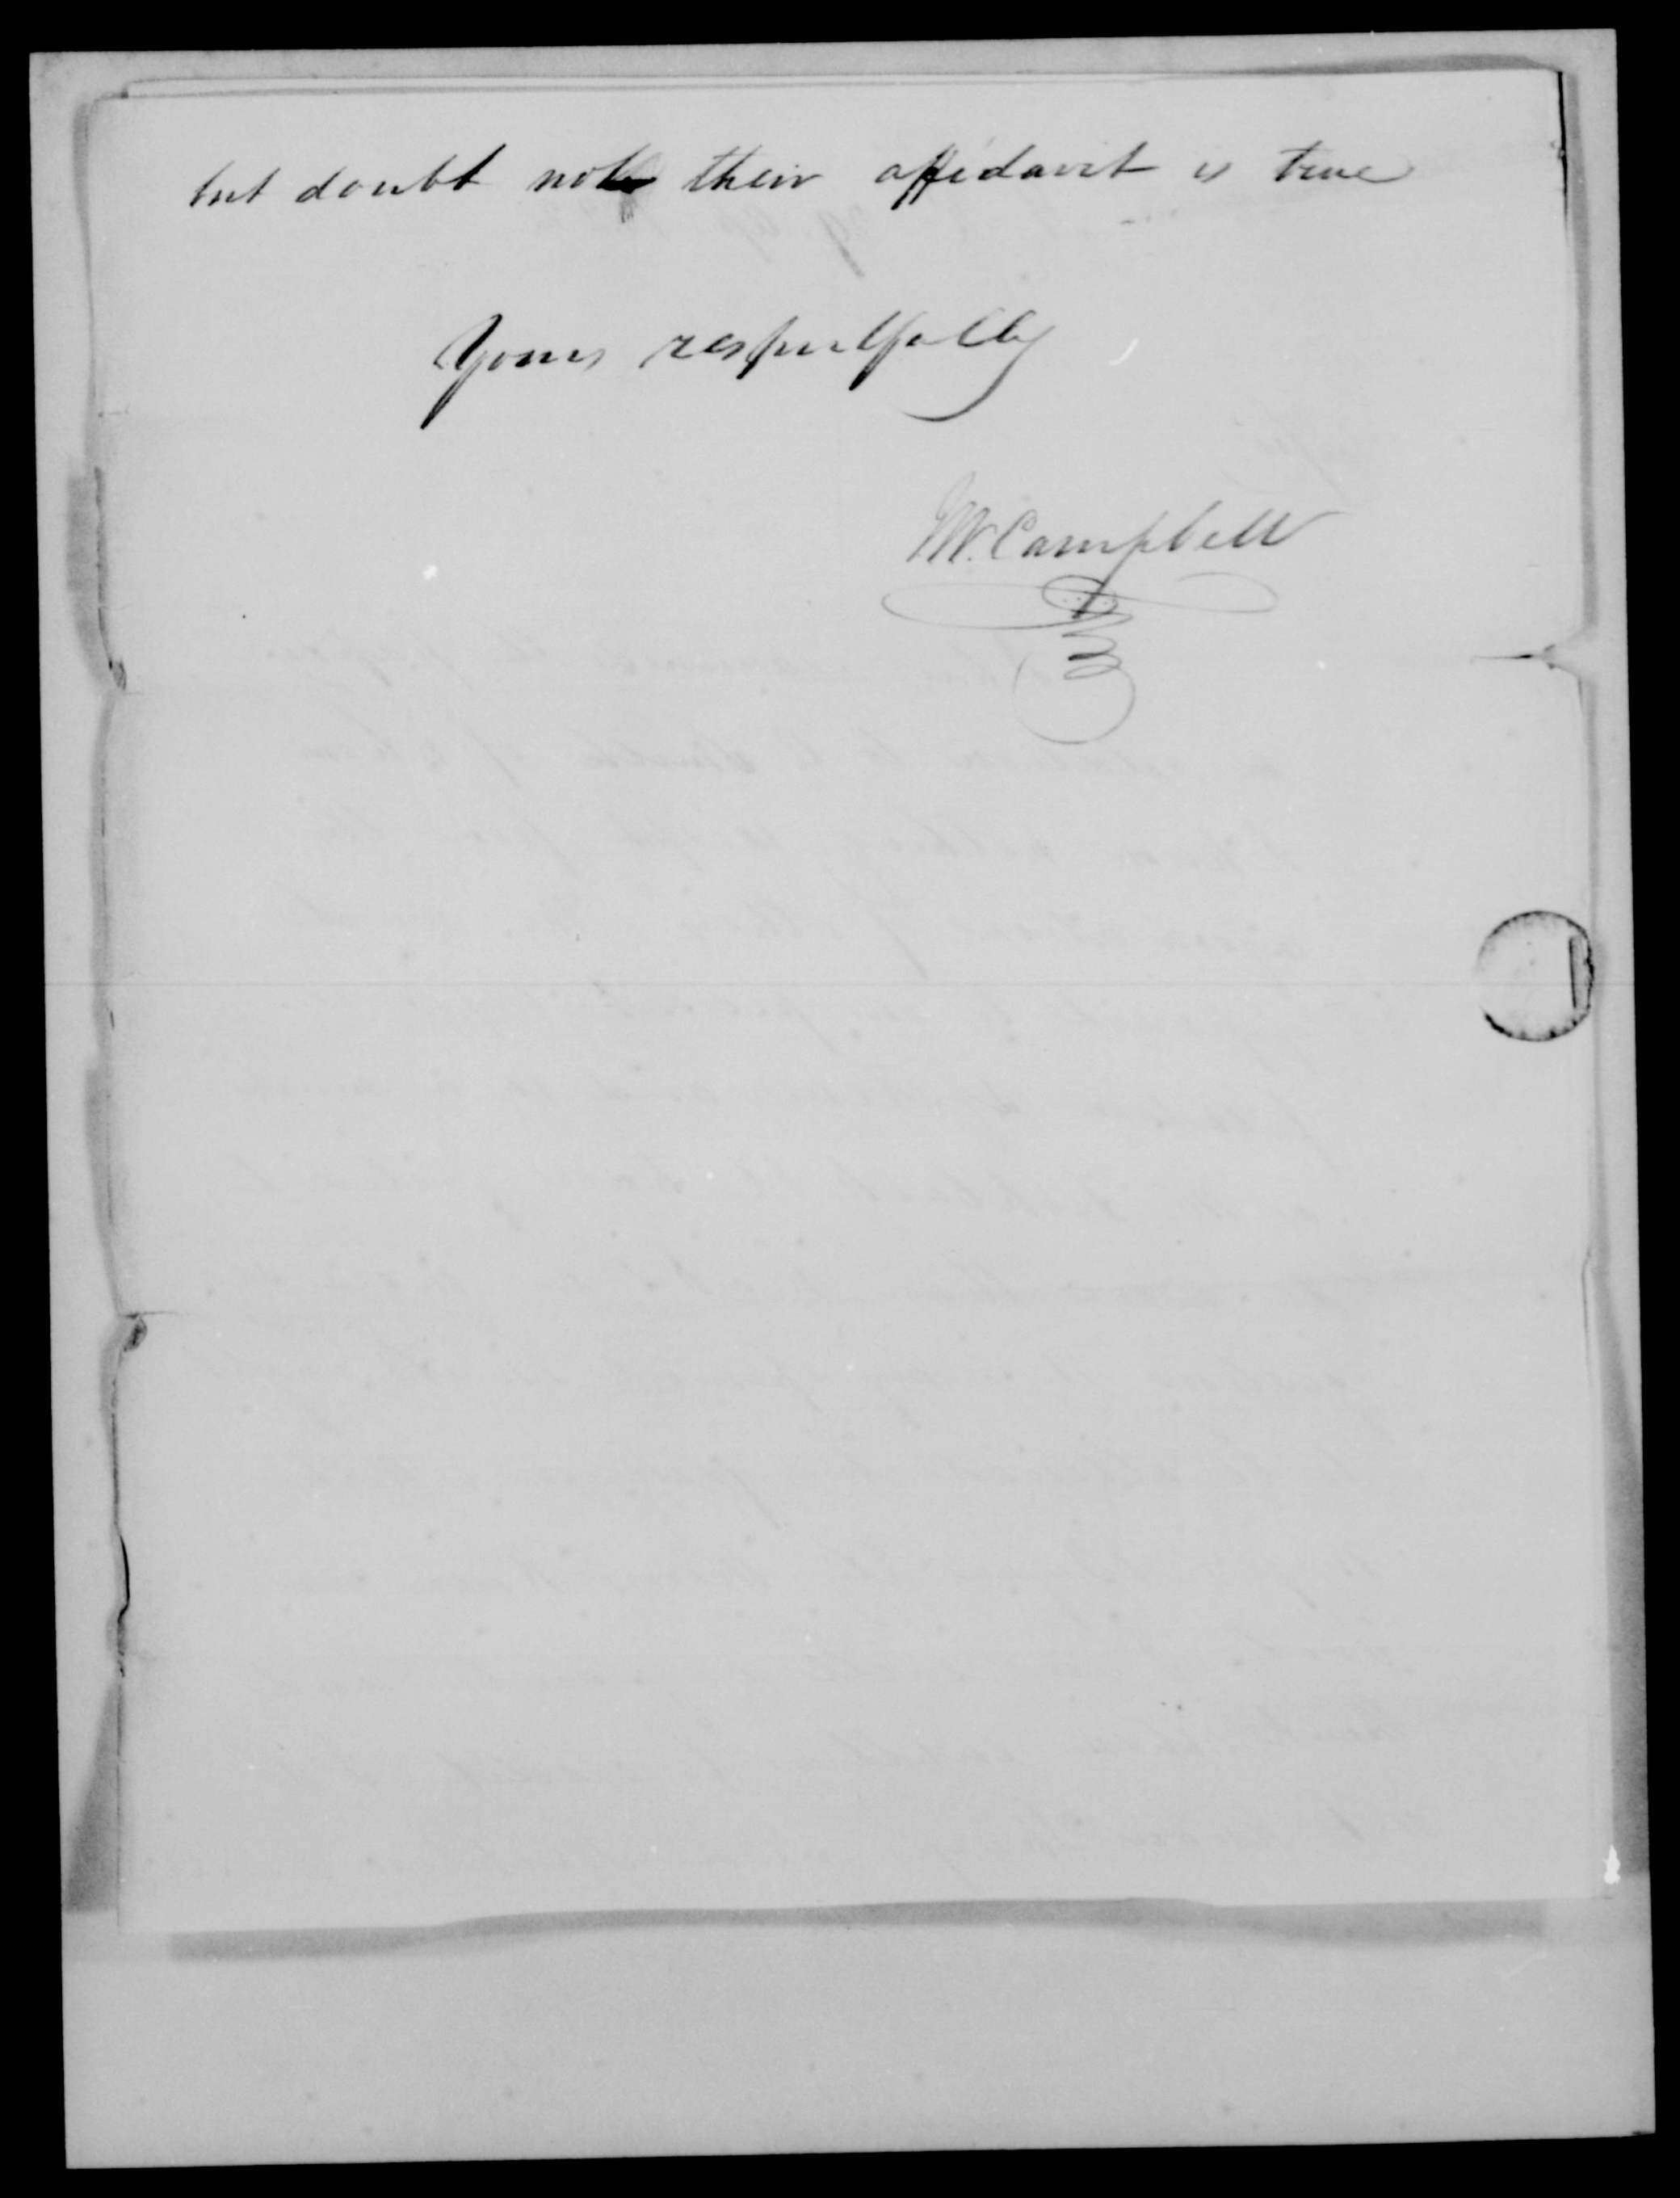but doubt not their affidavit is true Yours respectfully W. Campbell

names: J W Campbell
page: 23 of 66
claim: survivor's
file: S 40458, for Obadiah Smith, New York